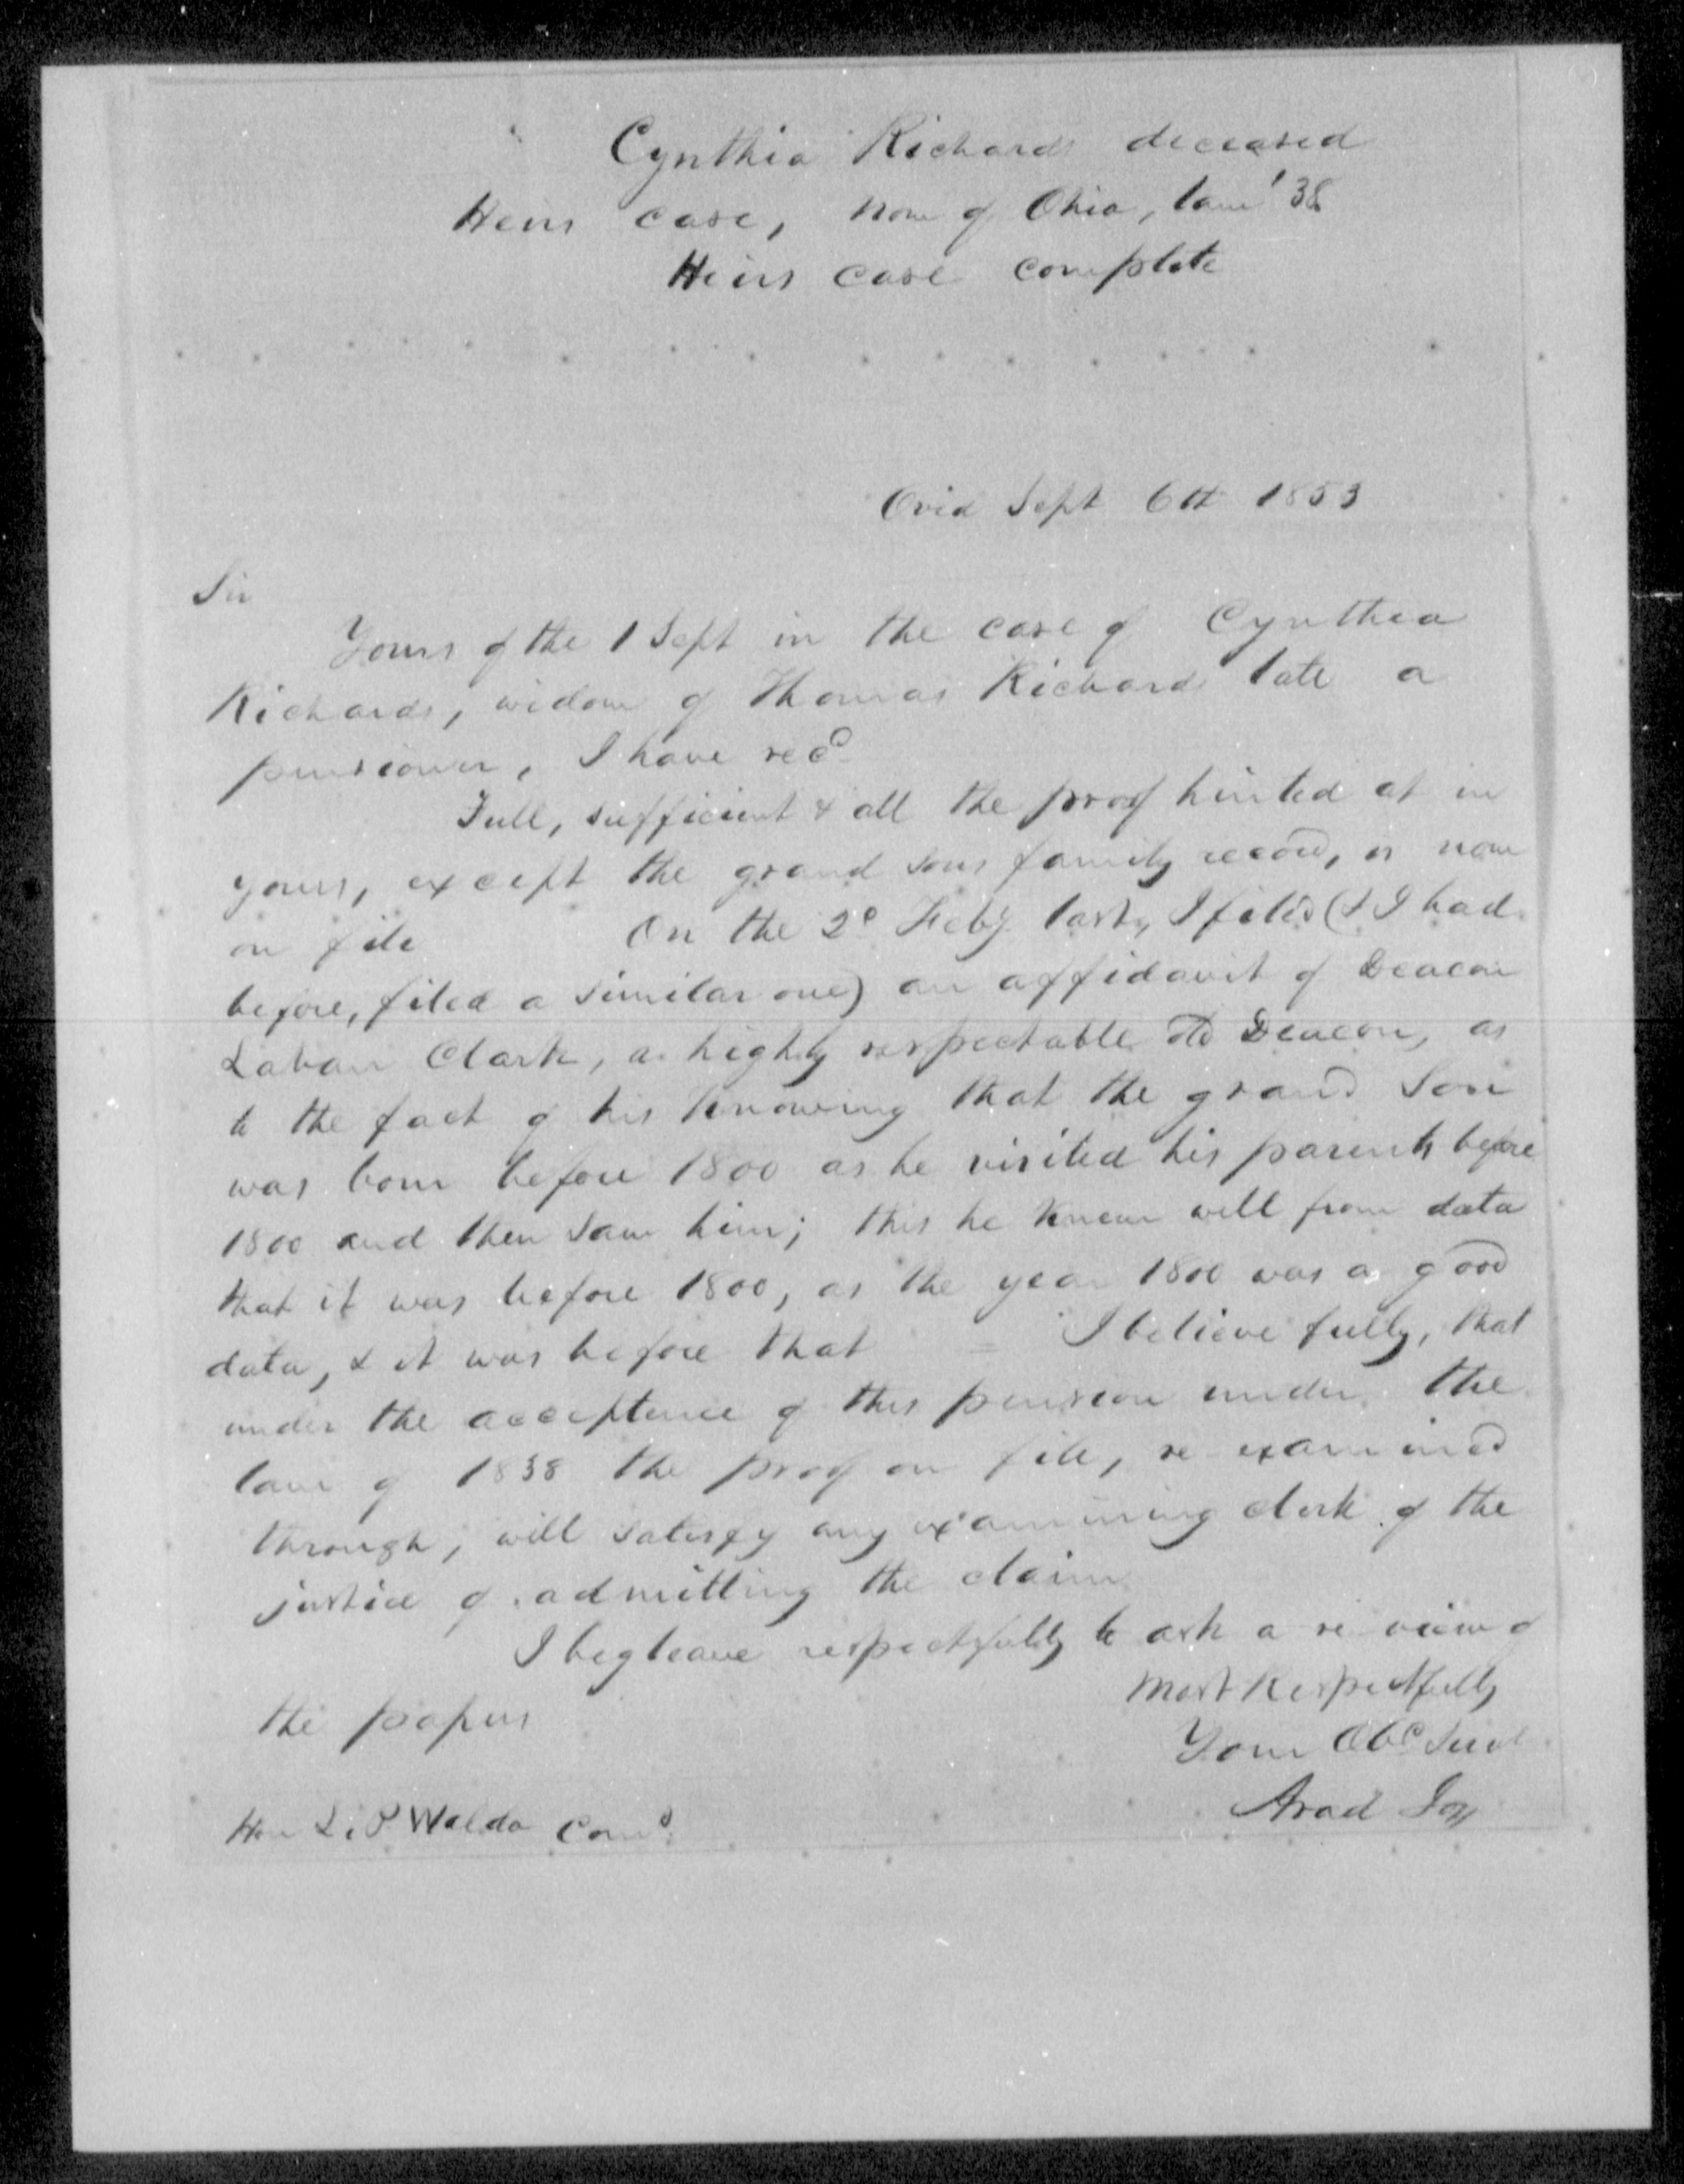Cynthia Richards deceased Heirs case,
now of Ohio, law [18]38
Heirs case complete

Ovid Sept 6th 1853

Sir
Yours of the 1 Sept in the case of Cynthia
Richards, widow of Thomas Richard late a
pensioner, I have rec'd [RECEIVED]
Full, sufficient & all the proof hinted at in yours, except the grand sons [sic] family record, is now on file 
On the 2d Feby [FEBRUARY] last, I filed (I had before, filed a similar one) an affidavit of Deacon Laban Clark, a highly respectable old Deacon, as to the fact of his knowing that the grand son [sic] was born before 1800 as he visited his parents before 1800 and there saw him; this he knew well from data that it was before 1800, as the year 1800 was a good data, & it was before that
I believe fully, that under the acceptance of this pension under the law of 1838 the proof on file, re-examined through, will satisfy any examining clerk of the Justice of admitting the claim 
I beg leave respectfully to ask a review of
the papers
Most Respectfully
Your Obt Servt [OBEDIENT SERVANT]
Arad Joy
Hon [HONORABLE] L. P. Waldo Comr [COMMISSIONER]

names: [BLANK] Deacon; Laban Clark; Arad Joy; Cynthia Richards; Cynthia Richards; L P Waldo; Thomas Richards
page: 59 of 109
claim: widow's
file: W. 5709, for Thomas Richards, New Hampshire